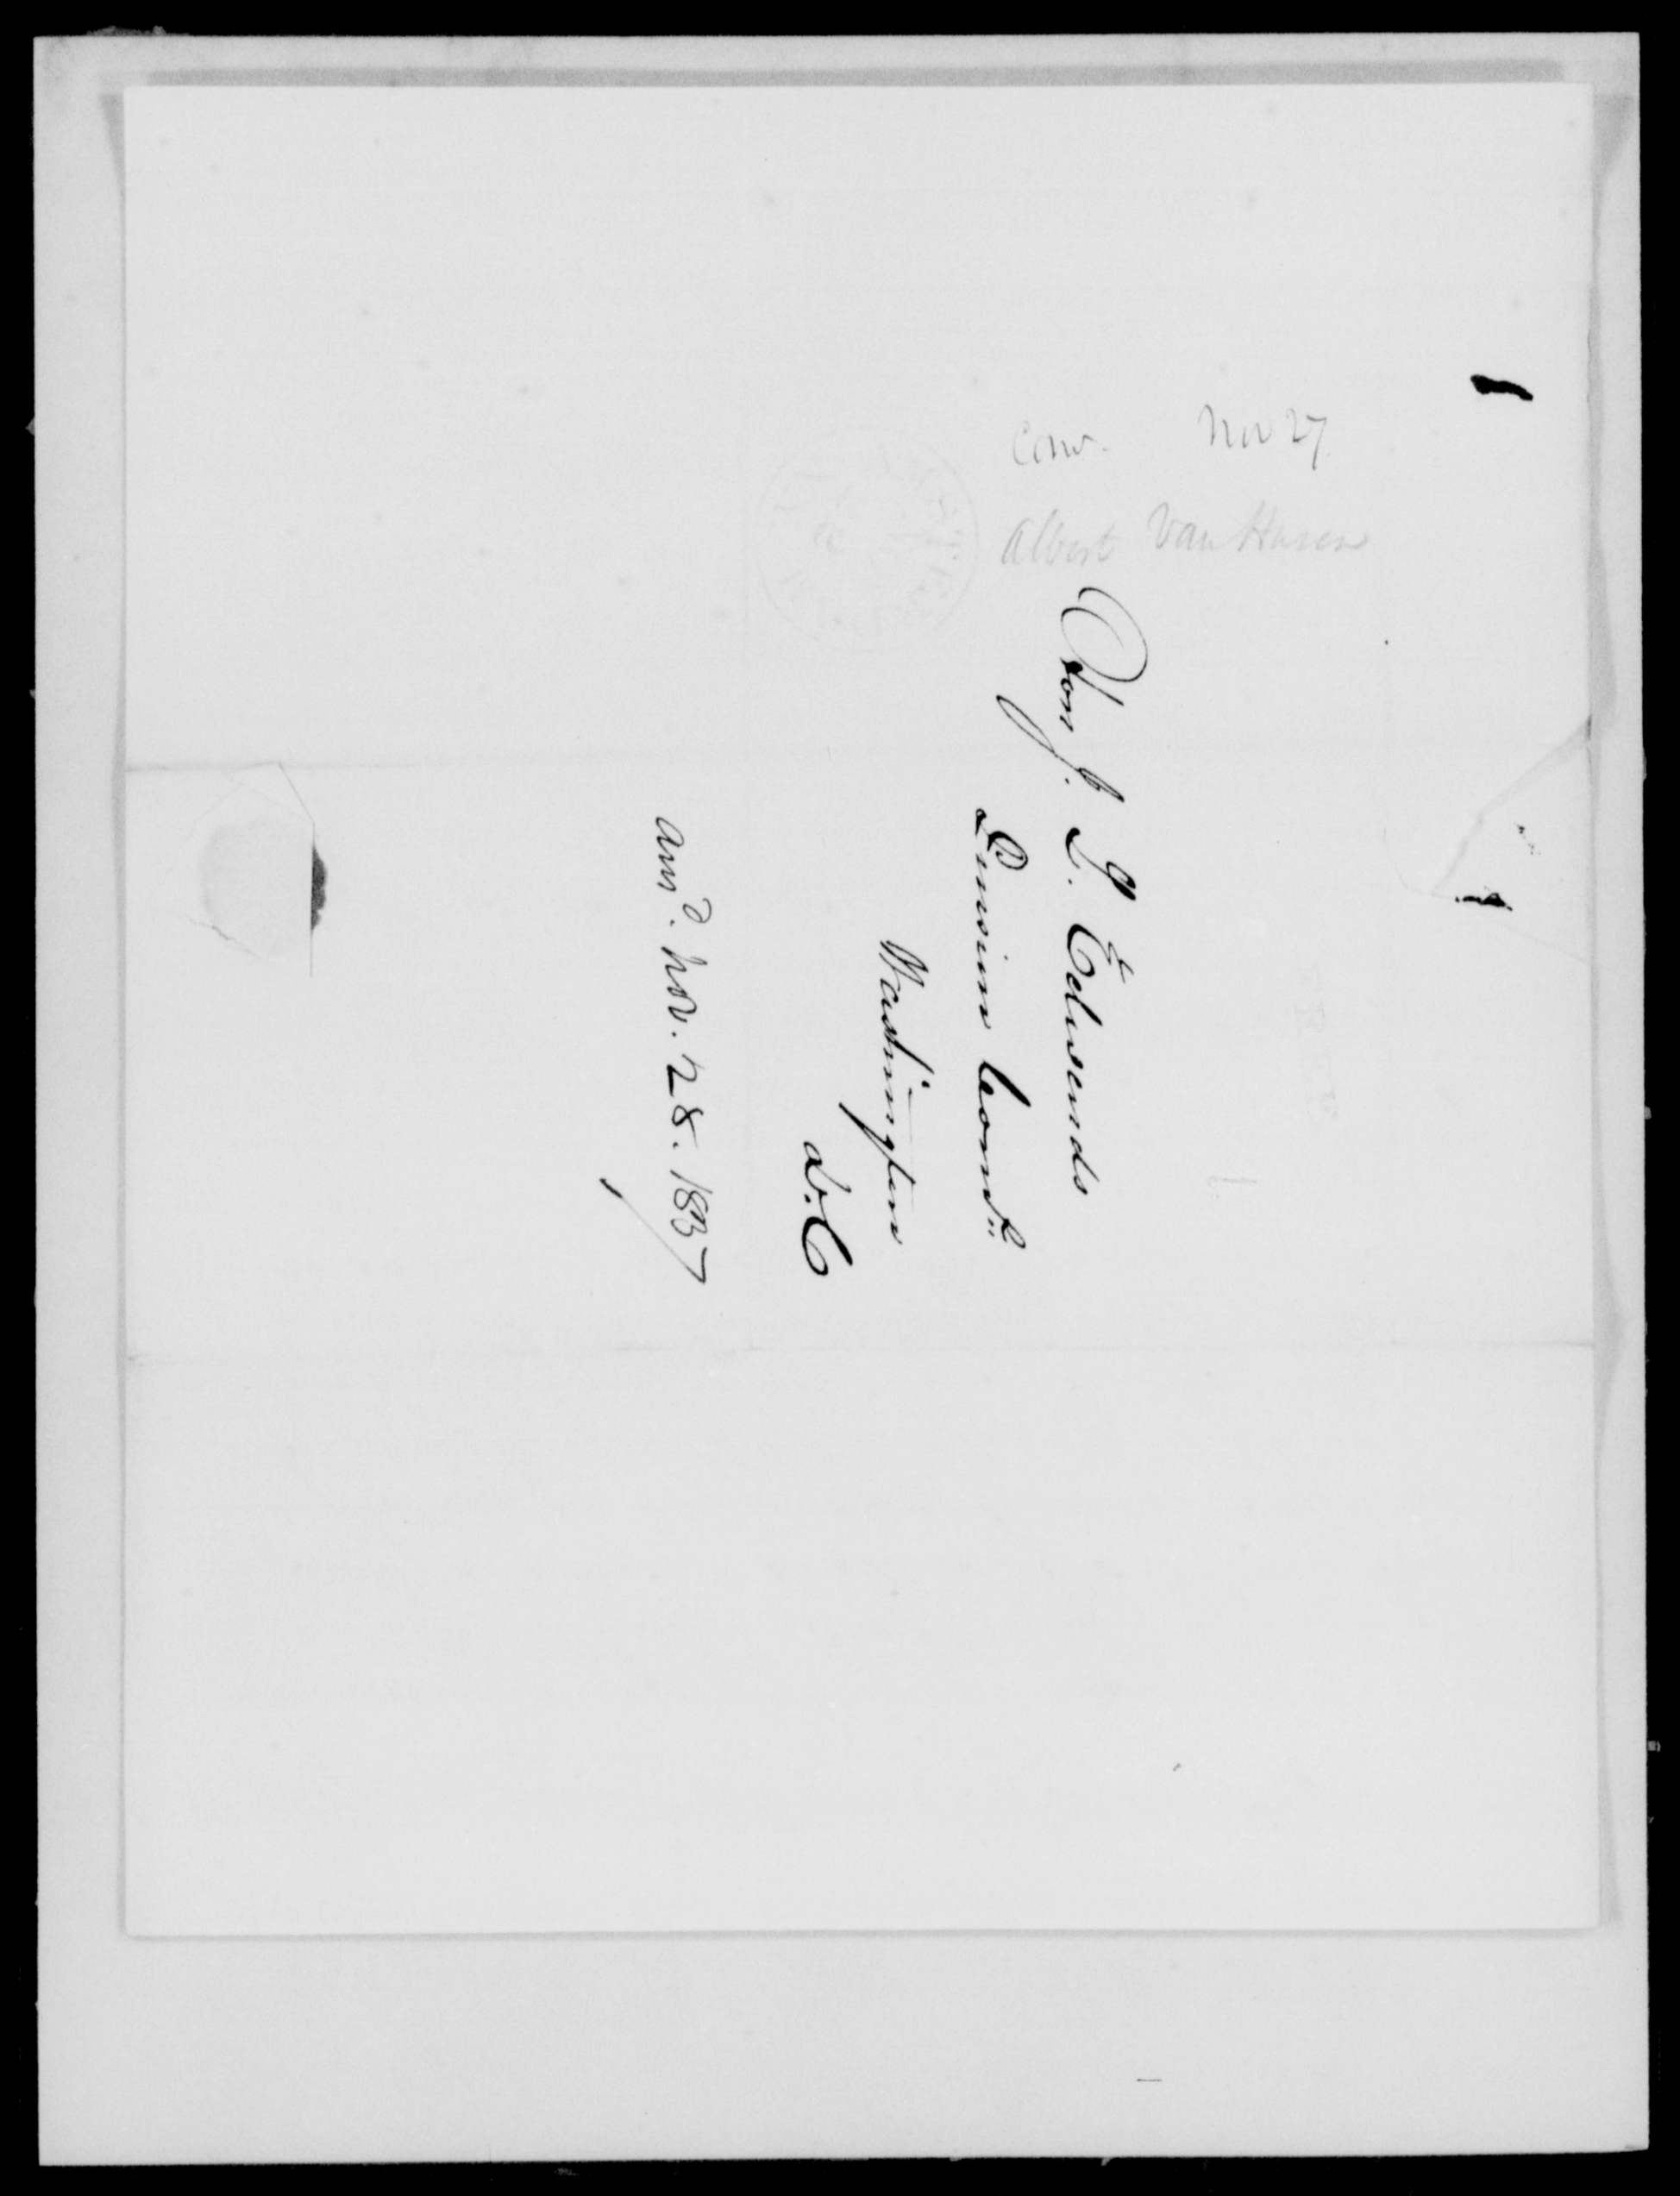Conv. Nov 27
Albert Van Husen 

Hon J. L. Edwards
Pension Comr.
Washington D.C.

Amd. Nov. 28. 1837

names: J L Edwards, Albert Van Hasen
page: 20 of 57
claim: survivor's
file: S. 28,925, Albert Van Housen, New York